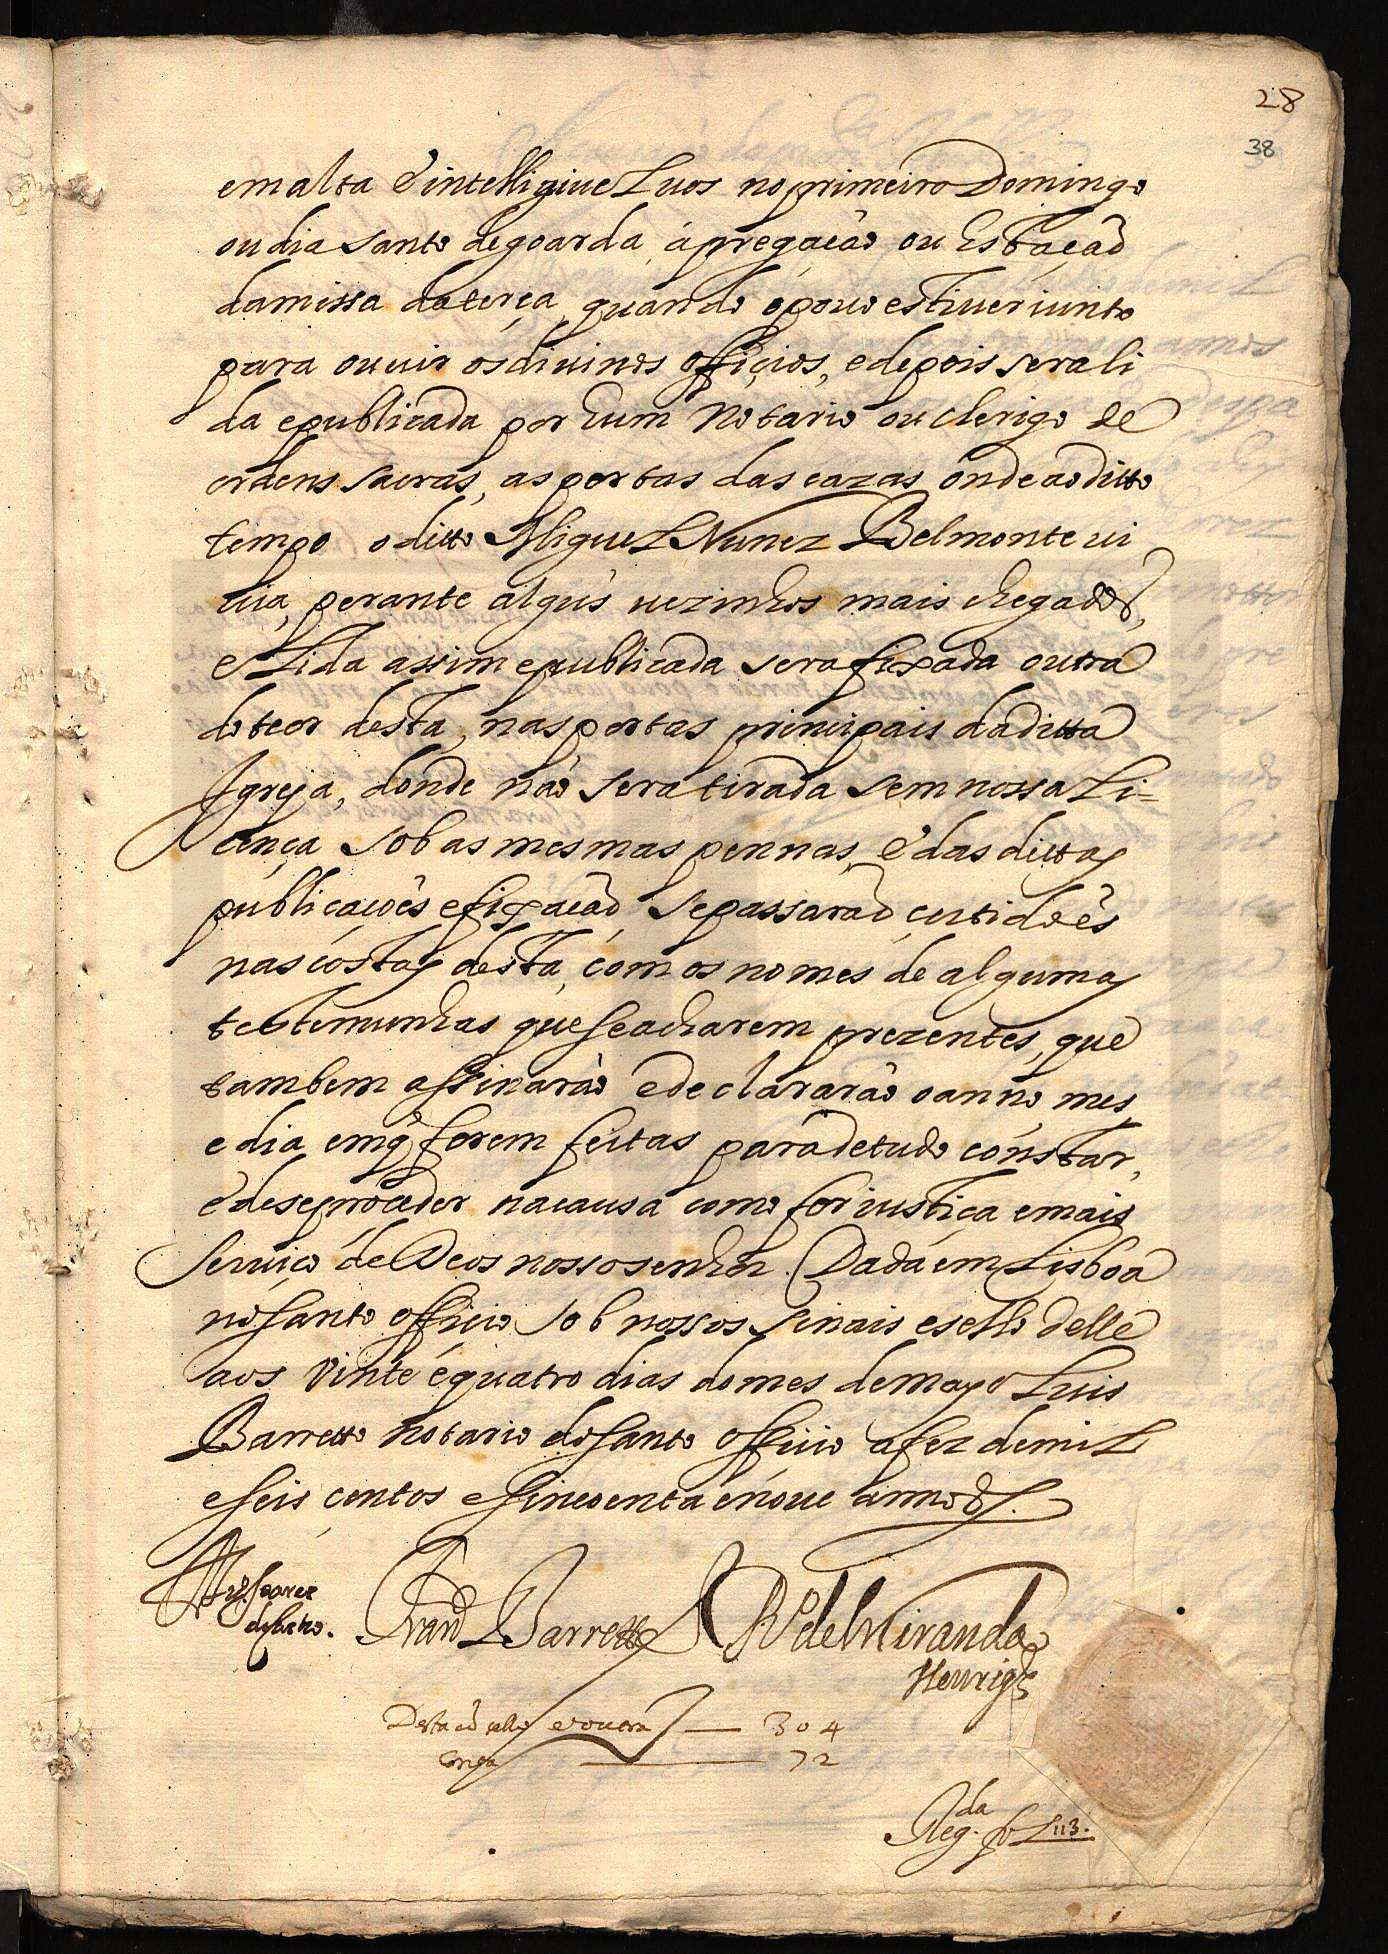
em alta e intelligiuel uos no primeiro Domingo
ou dia santo de goarda á pregaçaõ ou Estaçaõ
da missa da terça, quando o pouo estiuer iunto
para ouuir os diuinos officios, e depois sera li
da e publicada por hum notario ou clerigo de
ordens sacras, as portas das cazas onde ao ditto
tempo o ditto Miguel Nunez Belmonte ui
uia, perante algūs uezinhos mais chegados,
e Lida, assim e publicada sera fixada outra
do teor desta, nas portas principais da ditta
Jgreja, donde não sera tirada sem nossa Li
cença sob as mesmas pennas, e das dittas
publicações e fixação se passaraõ çertidoẽs
nas costas desta, com os nomes de algumas
testemunhas que se acharem prezentes, que
tambem assinaraõ, e declararaõ o anno, mes
e dia em q̄ forem feitas para de tudo constar,
e de se proçeder na causa como for iustiça e mais
seruiço de Deos nosso senhor. Dada em Lisboa
no santo offiçio sob nossos sinais e sello delle
aos vinte e quatro dias do mes de mayo Luis
Barretto notario do santo officio a fez de mil
e seisçentos e sincoenta e noue annos.
Alv.o Soares
de Castro.
Fran.co Barretto
Ro de Miranda
Henriq̄s
Desta cō sello e outra - 304
Conta - 72
Reg.da fol 113.
